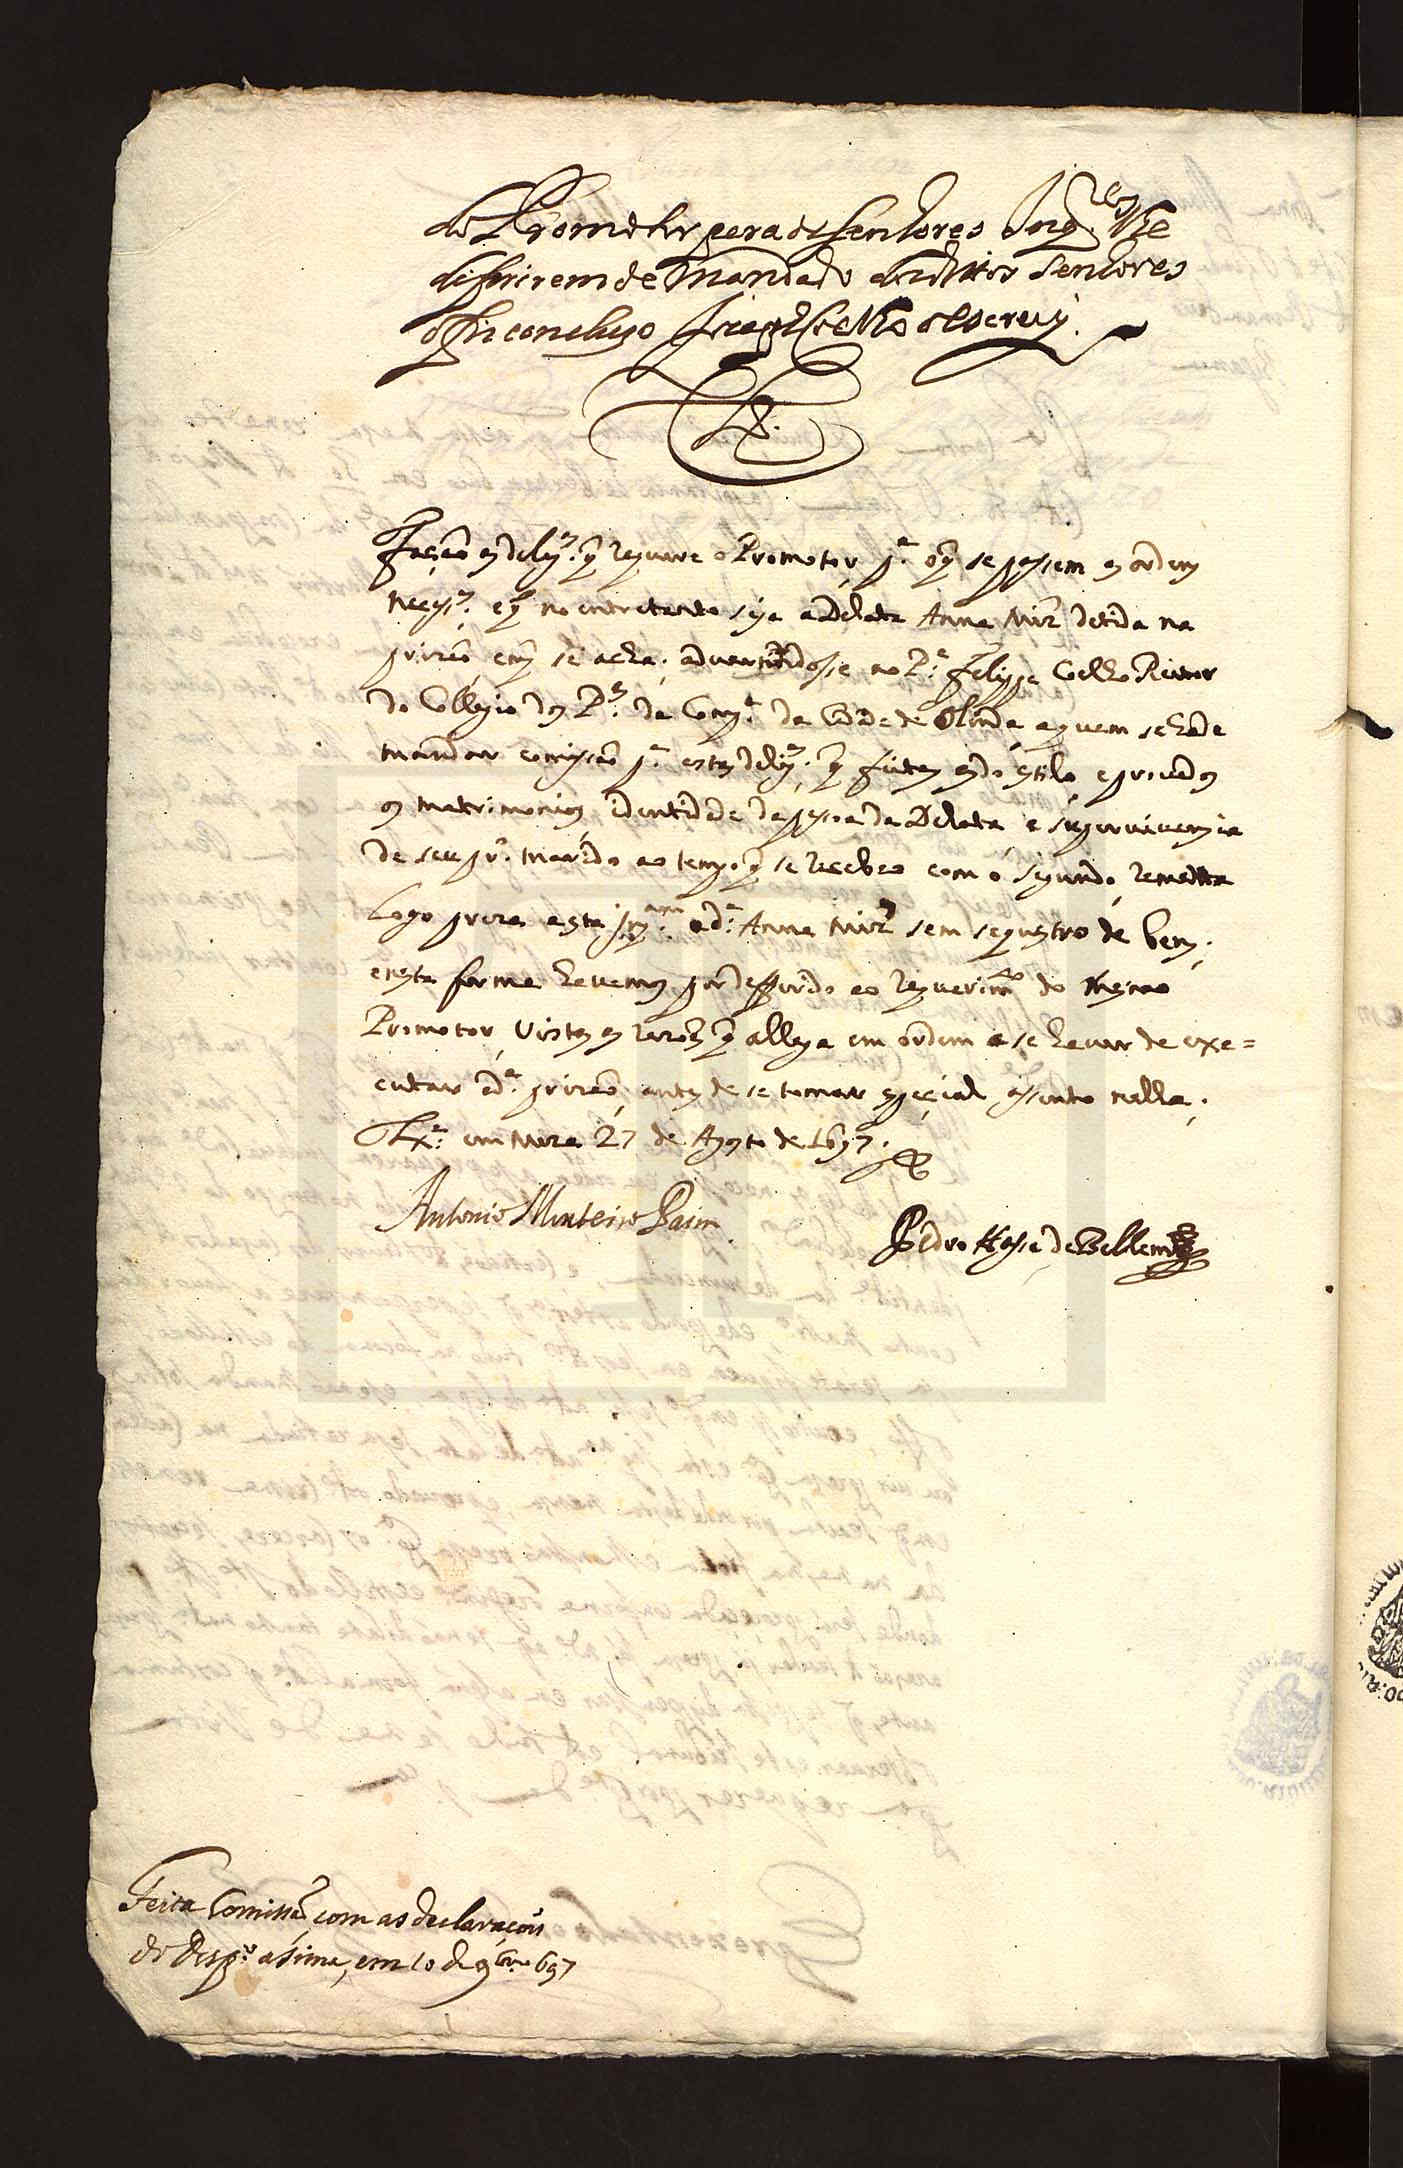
do Promotor pera os senhores Inq̄.res lhe
diferirem de mandado dos dittos senhores
o fiz concluzo Jozeph Coelho o escreuy.
Fação as delig.as q̄ requere o Promotor, p.a o q̄ se passem as ordens
necessas.; e q̄ no entretanto seja a Delata Anna Miz̄ detida na
prizão em q̄ se acha: advertindosse ao P.e Felippe Coelho Reitor
do Collegio dos P.es de Comp.a da Cidade de Olinda a quem se ha de
mandar comissaõ p.a estas deligas.; q̄ feitas as do estilo e priuados
os matrimonios identidade da pessoa da Delata, e superuiuensia
de seu pro. marido ao tempo q̄ se recebeo com o segundo, Remetta
Logo preza esta Jnq.am a da. Anna miz̄ sem sequestro de bens;
e nesta forma hauemos por defferido ao Requerimto do Mesmo
Promotor, vistas as rezoẽs q̄ allega em ordem a se hauer de exe
cutar a d.a prizão, antes de se tomar speçial assento nella;
Lx.a em meza 27 de Agosto de 1697.
Antonio Monteiro Paim
Pedro Hasse de Bellem
Feita Comissaõ, com as declarações
do Desp.o asima, em 10 de 9.bro 697
